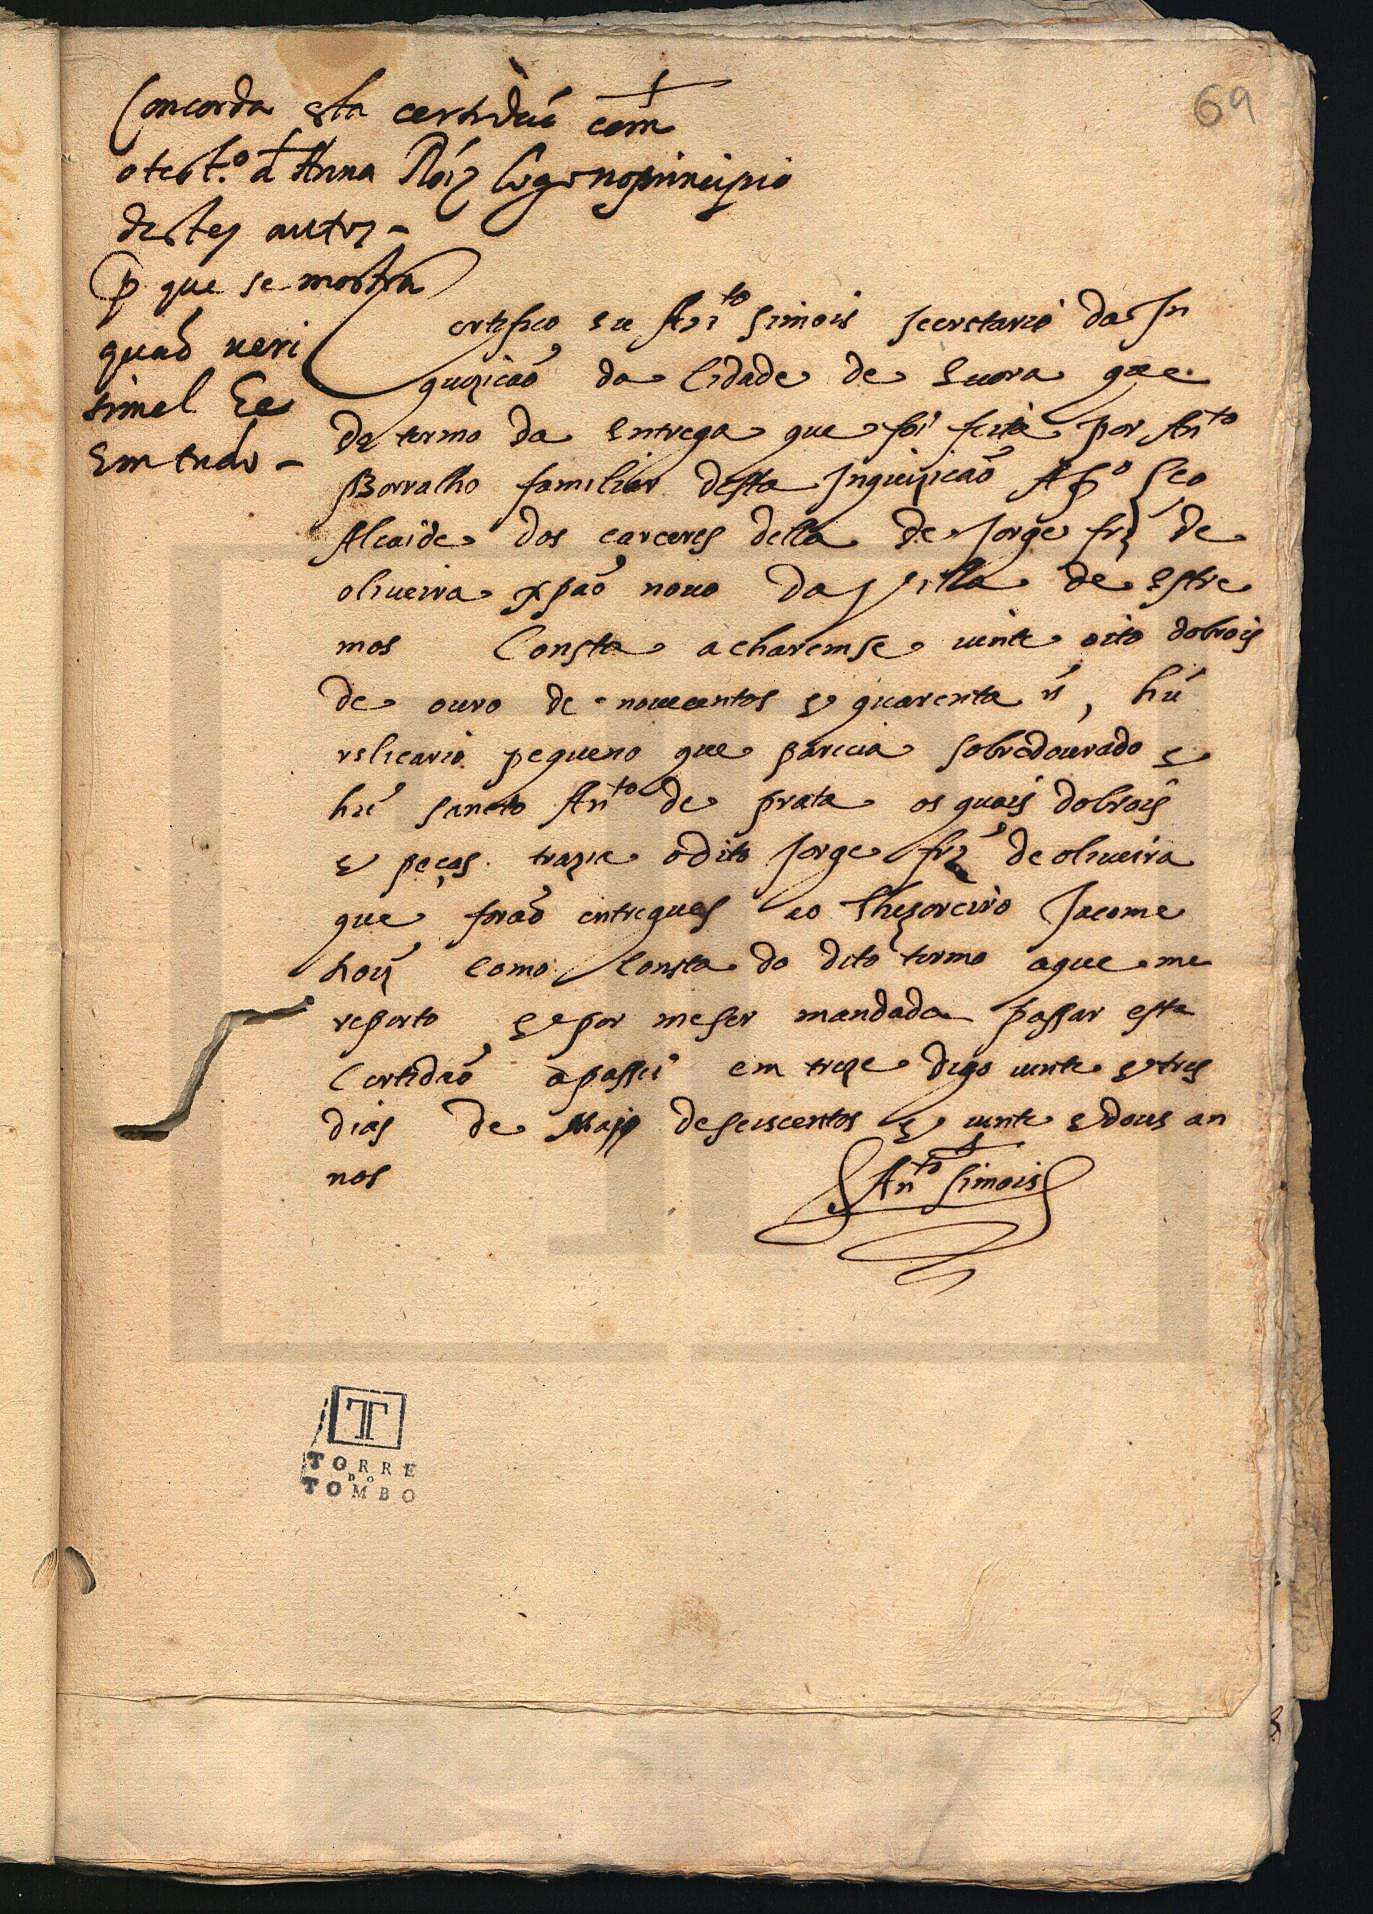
Certifico eu Anto simois secretario da Jn
quizição da Cidade de Euora que
do termo da entrega que foi feita por Anto
Borralho familiar desta Jnquizicão A po Lço
Alcaide dos carceres della de Jorge frz̅ de
oliueira xpão nouo da Villa de Estre
mos Consta acharemse uinte oito dobrois
de ouro de nouecentos E quarenta rs̅, hu̅
relicario pequeno que parecia sobredourado E
hu̅ sancto Anto de prata os quais dobrois
E peças trazia o dito Jorge frz̅ de oliueira
que foraõ entregues ao Thezoreiro Jacome
Roiz̅ como consta do dito termo a que me
reporto E por me ser mandada passar esta
certidão a passei em treze digo uinte E tres
dias de Majo de seiscentos E uinte E dous an
nos
